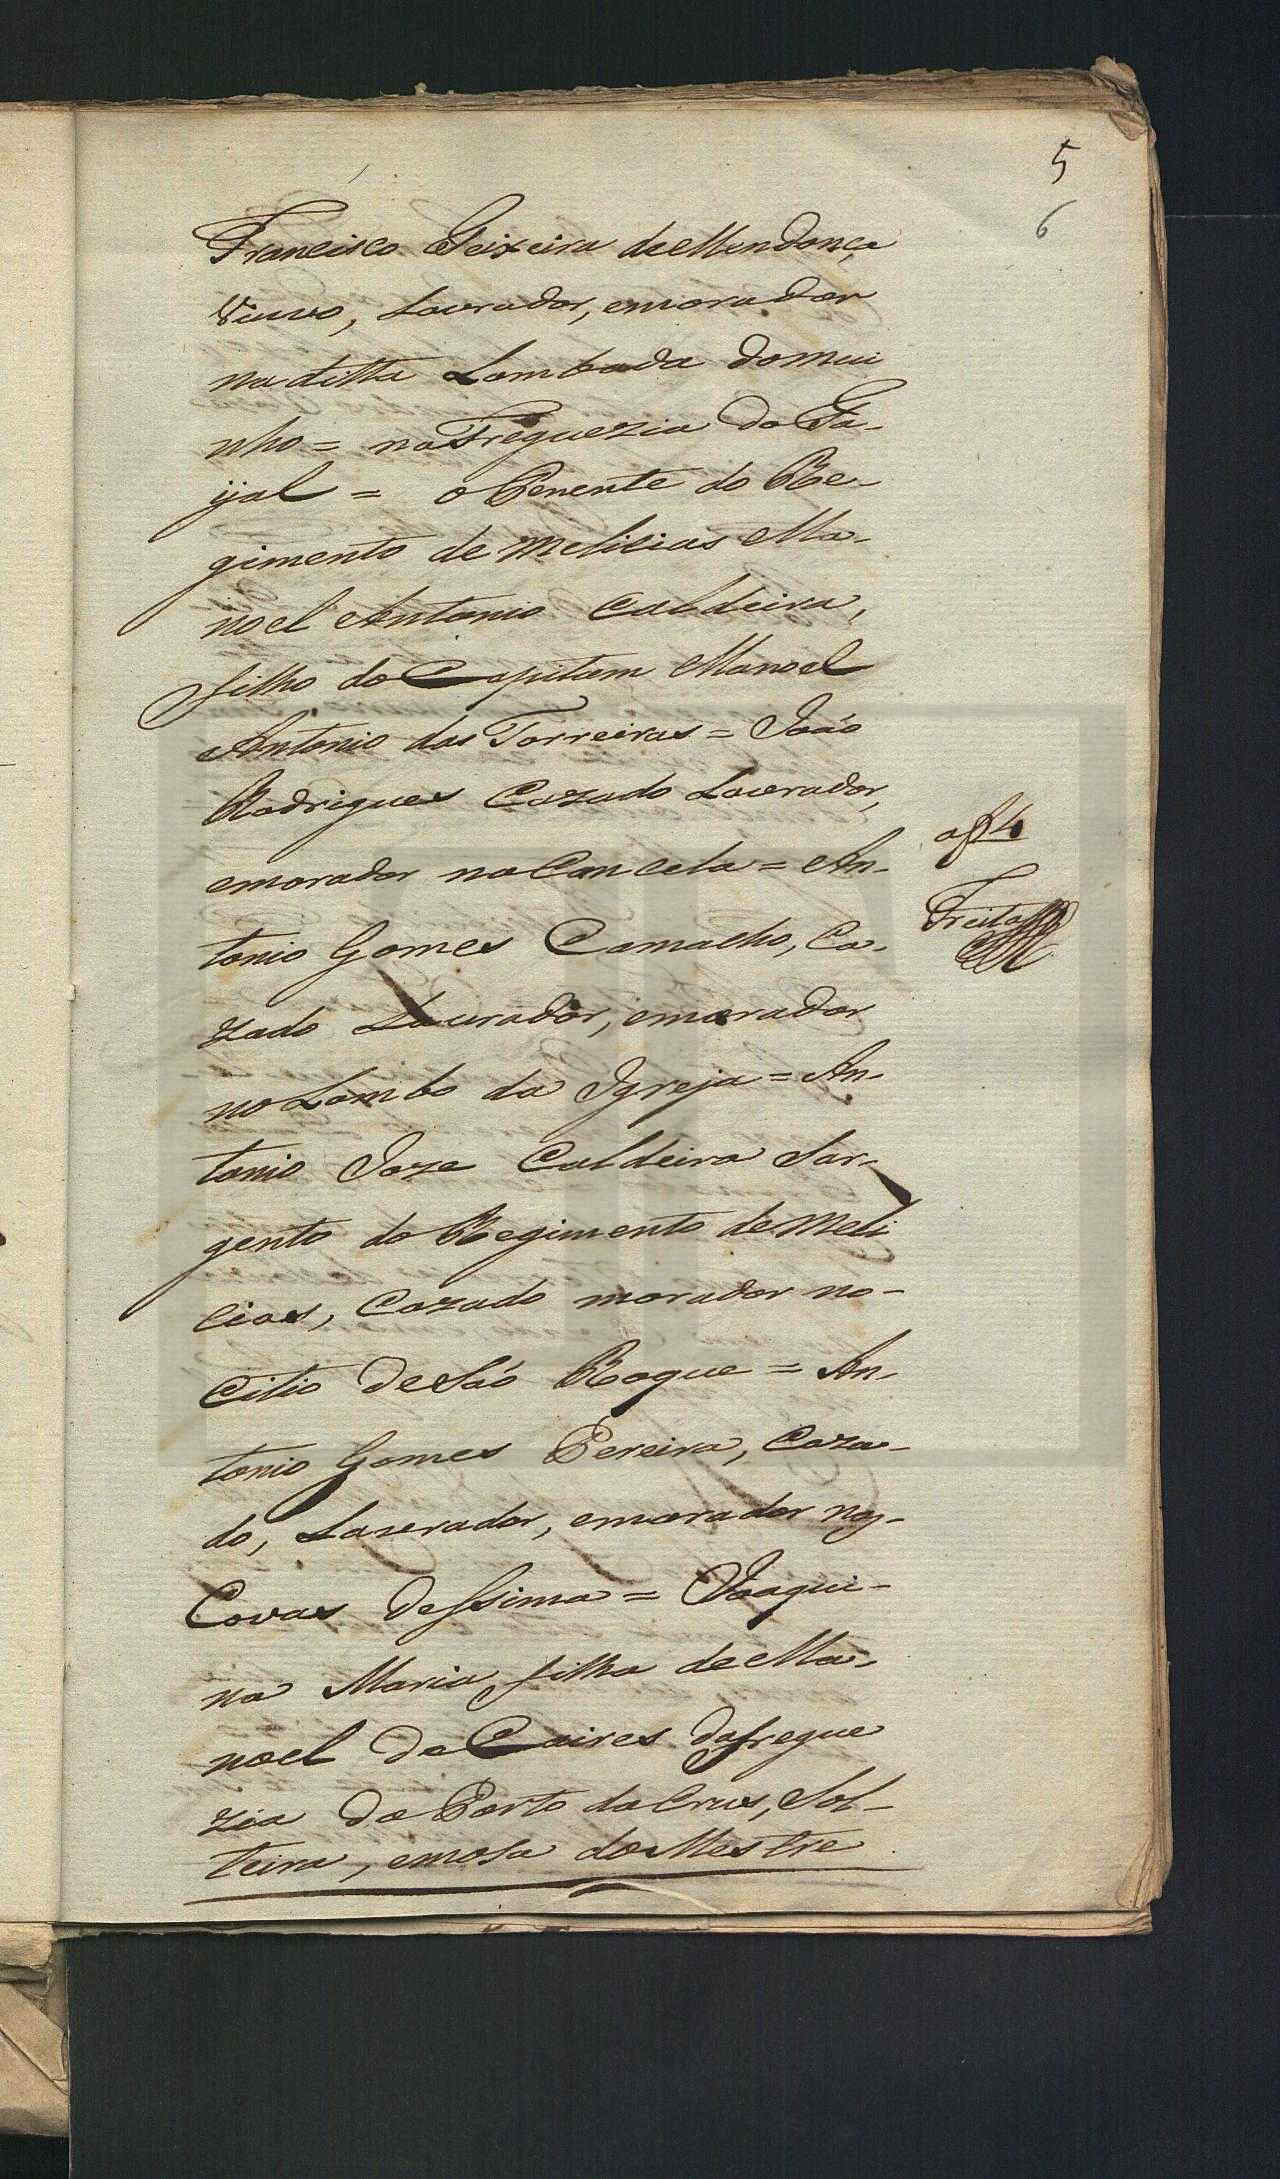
5
Francisco Teixeira de Mendonça
Viuvo, lavrador, e morador
na dita Lombada do mui
nho = na Freguezia do Fa
yal = o Tenente do Re
gimento de melicias Ma
noel Antonio caldeira,
filho do Capitam Manoel
Antonio das Torreiras = Ioaõ
Rodrigues cazado lavrador,
a f10
e morador na Cancela = An
Freita
tonio Gomes Camacho, Ca
zado Laurador, e morador
no Lombo da Igreja = An
tonio Ioze Caldeira Sar
gento do Regimento de meli
cias, cazado morador no
citio de Saõ Roque = An
tonio Gomes Pereira, caza
do, Lavrador, e morador nas
Covas de ssima = Ioaqui
na Maria filha de Ma
noel de Caires da fregue
zia do Porto da Crus, Sol
teira, e mosa do Mestre
